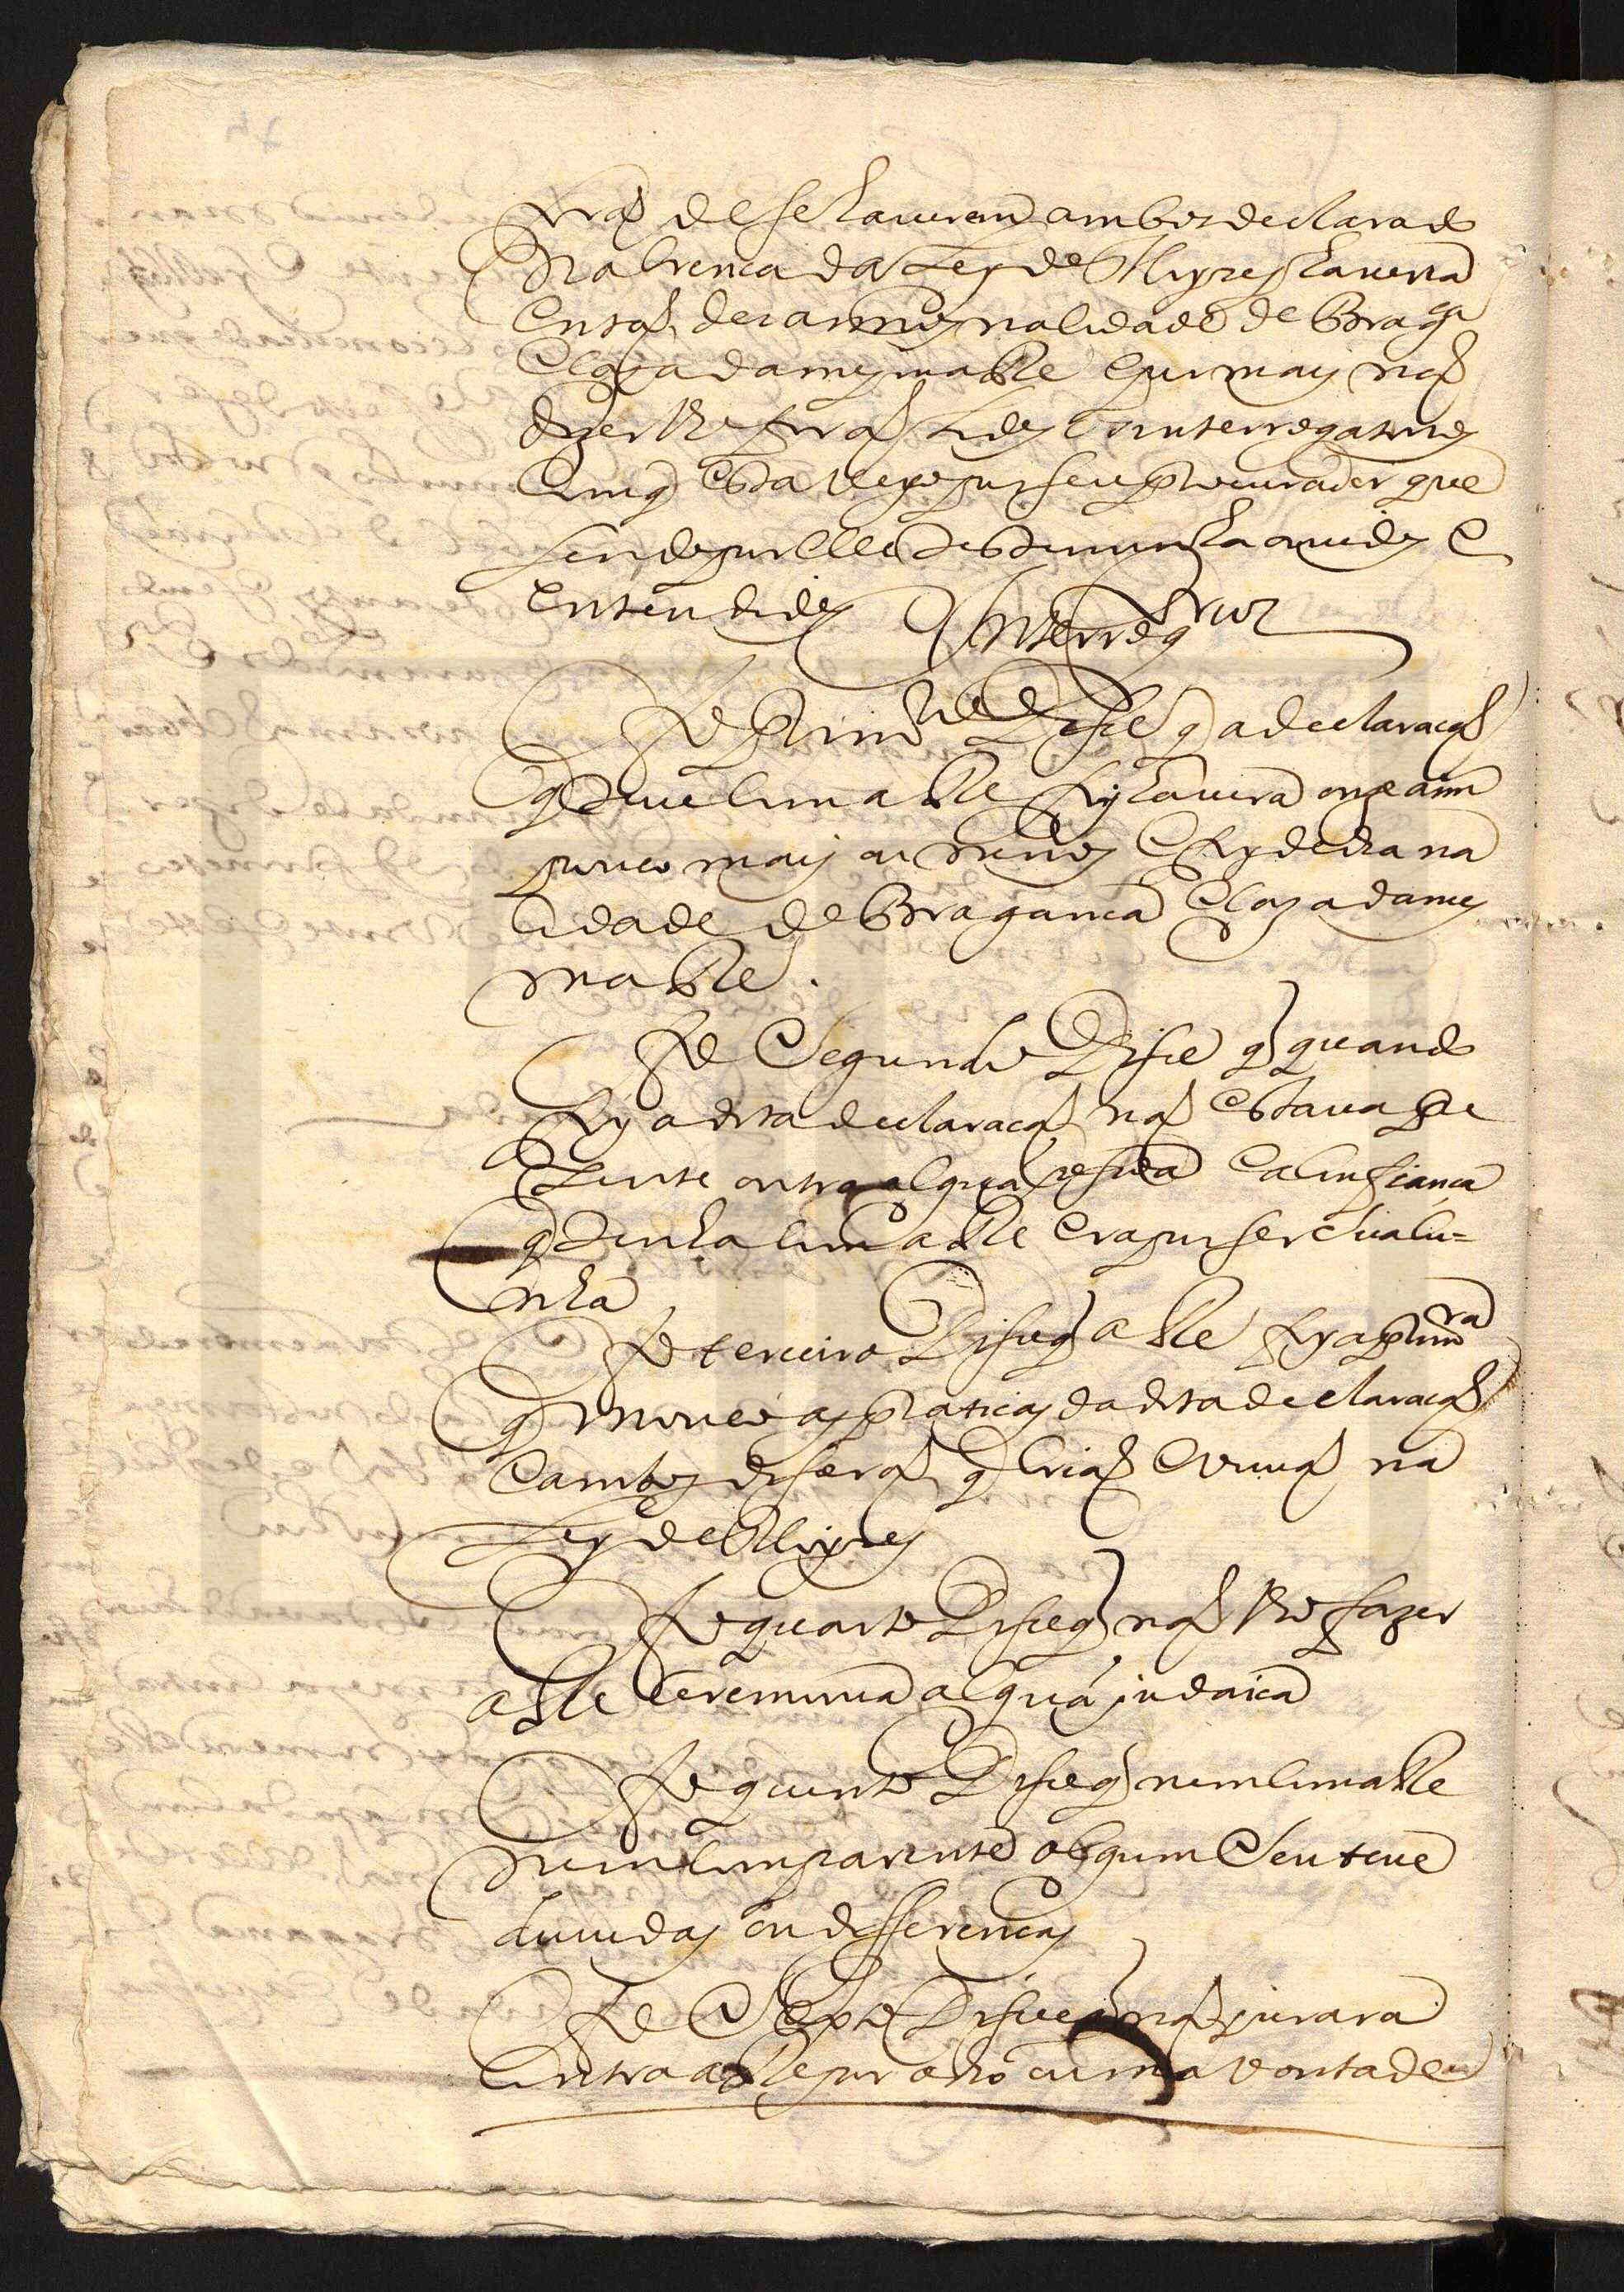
foraõ de se hauerem ambos declarado
na crença da Ley de Moyzes hauera
Entaõ, dez annos na cidade de Bragca
E caza da mesma Re e por mais naõ
dizer lhe foraõ lidos os interrogatorios
Em q̄ esta veyo por seu pRocurador que
sendo por elle testemunha ouuidos E
entendidos
Jnterrog.ros
Ao prim.ro Disse q̄ a declaraçaõ
q̄ teue com a Re foy hauera onze ann̄
pouco mais ou menos E foy de dia na
Cidade de Bragança E Caza da mes
na Re.
Ao Segundo Disse q̄ quando
foy a dita declaraçaõ naõ estaua pre
zente outra alguā pessoa E a Confiança
q̄ tinha com a Re era por ser sua Cu
nha
Ao terceiro, Disse q̄ a Re foy a pRim.ra
q̄ moueo as praticas da dita declaraçaõ
E ambos diseraõ q̄ Criaõ e viuiaõ na
Ley de Moyzes
Ao quarto Disse q̄ naõ vio fazer
a Re ceremonia alguā judaica
Ao quinto Disse q̄ nem com a Re
nem com parente algum Seu teue
duuidas ou differenças
Ao Sexto Disse _ naõ jurara
Contra a Re por odio ou ma vontade
